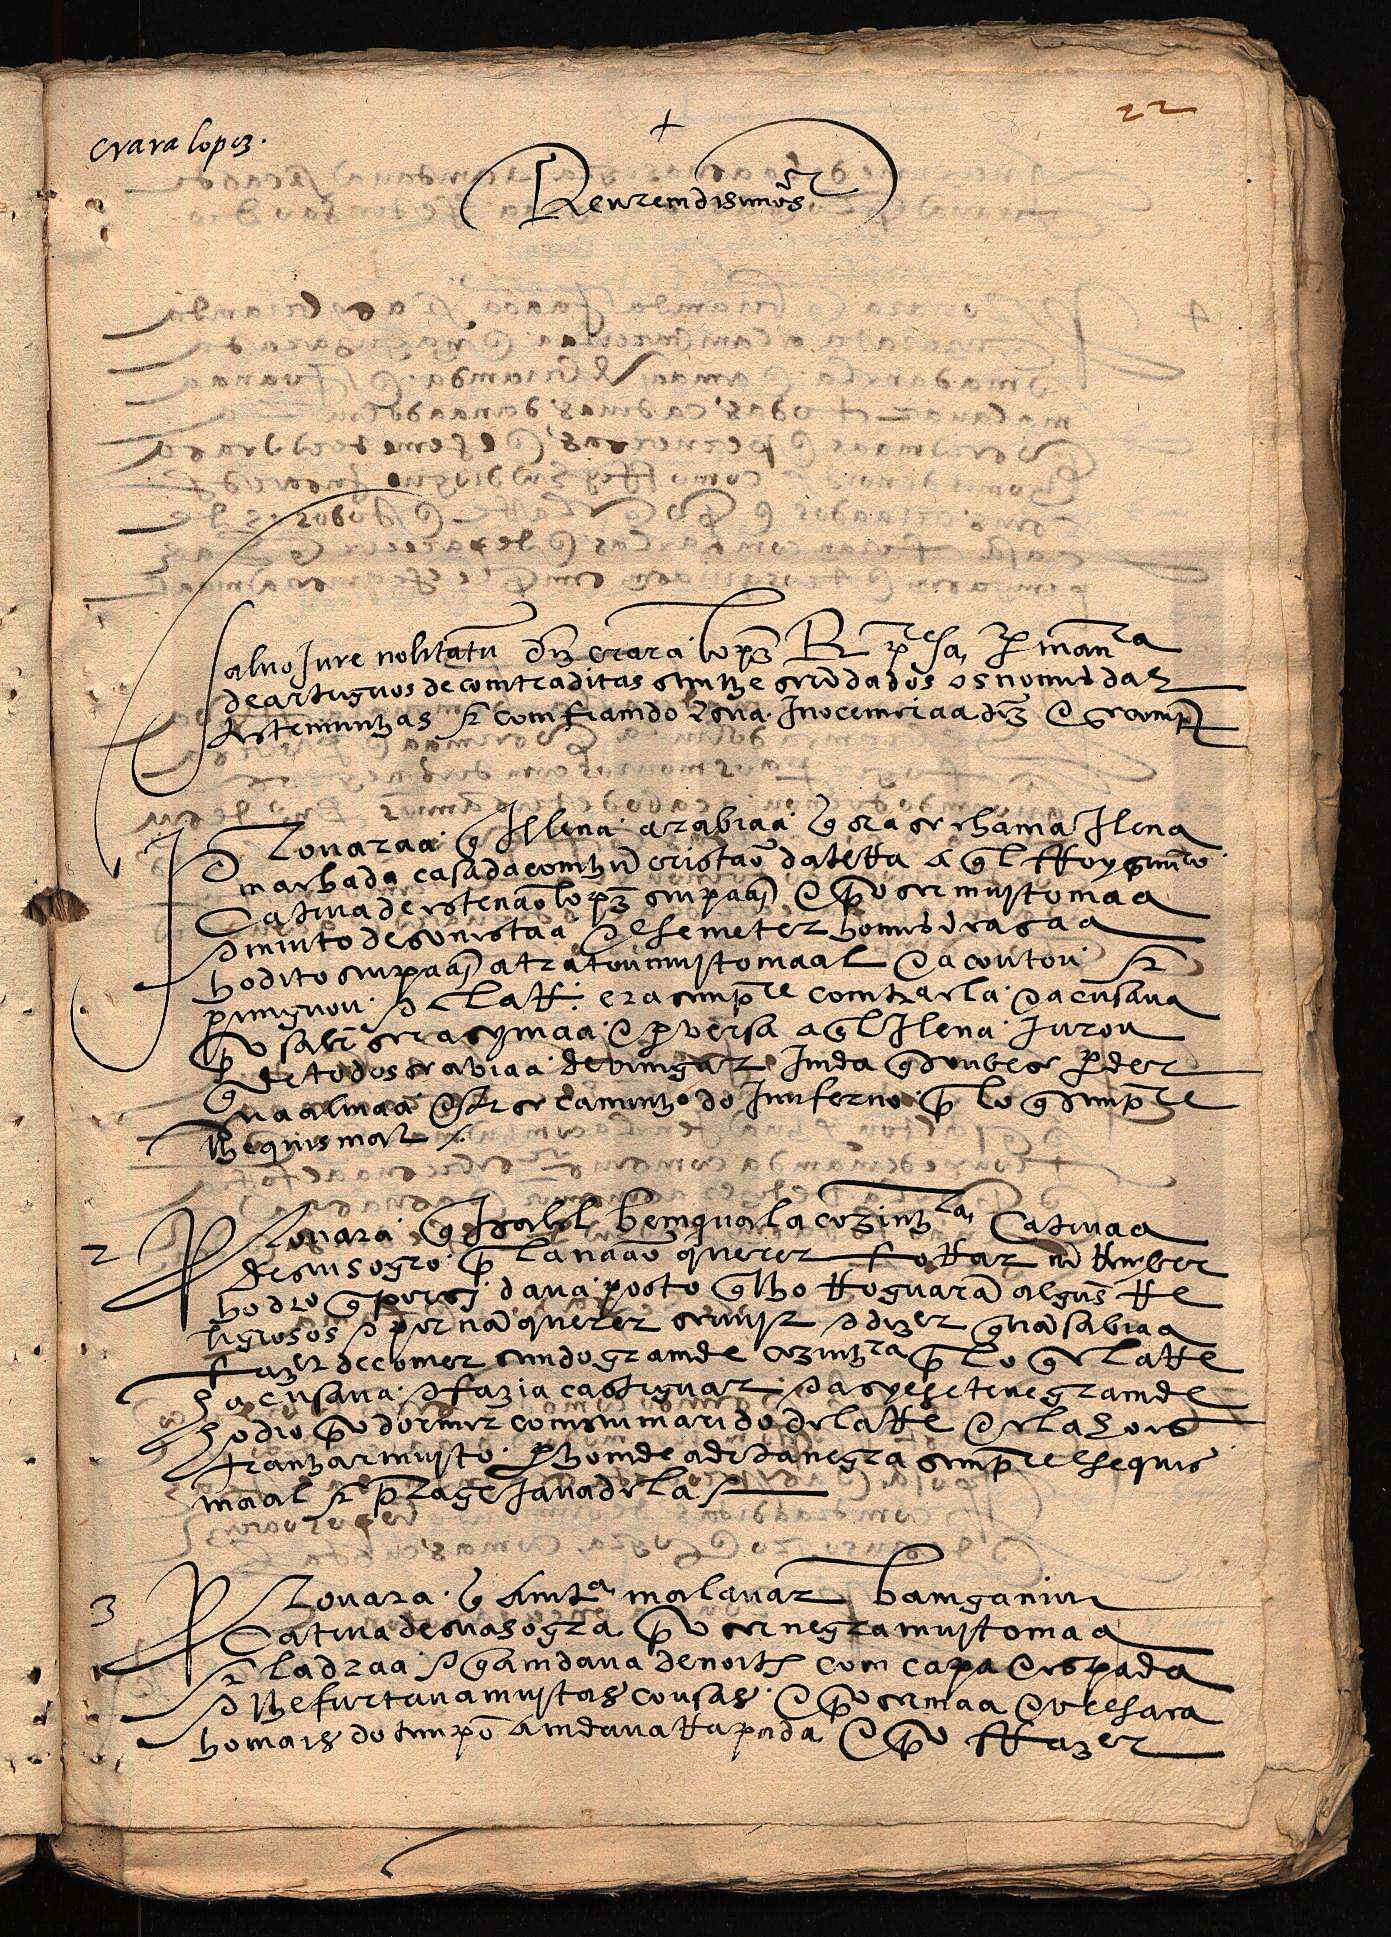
crara lopez.
Reueremdisimo sor
Saluo Jure nolitātu dīz crara lop̄z R presa ꝑ manra
de artriguos de comtraditas sem lhe serē dados os nomes das
testemunhas e comfiamdo ē sua. Jnocemciaa dīz e se comp̄r
Prouaraa q̄ Jllena arabiaa q̄ ora se chama Jlena
machada casada com hū cristaõ da teRa a q̄l ffoy p̄imro
Catiua de esteuão lopz̄ seu paaj̄ e p̄o ser mujto maa
e muito desonestaa e lhe meter homes ē casaa
ho dito seu paaj̄ a tratou mujto maaL e acoutou e
pimguou e ela R. era sempre comtra ela e acusaua
p̄o sabr̄ ser asy maa e ꝑversa a q̄l Jlena Jurou
q̄ de todos se aviaa de vimgar Jmda q̄ soubese ꝑder
sua almaa e Jr se caminho do Jnnferno p̄lo q̄ sempre
lhe quis maL /.
Prouara q̄ Jsabel bemquala cozinhra Catiuaa
de seu sogro p̄la naão querer foRar nē Reçeber
ho dro q̄ por sj daua posto q̄ lho Roguarā algus̄ Re
ligiosos e por nā querer seruijr e dizer q̄ nā sabiaa
fazer de comer semdo gramde cozinhra p̄lo q̄ ela Re
ha cusaua e fazia castiguar e asy lhe teue gramde
hodio p̄o dormir com seu marido dela Re e ela ho es
tranhar mujto ꝑ homde a dita negra sempre lhe quis
maal e prageJaua dela /-
Prouara q̄ Amta malauar bamganim
Catiua de sua sogra p̄o ser negra mujto maa
e ladraa e q̄ amdaua de noitꝭ com capa e espada
e lhe furtaua mujtas cousas e p̄o ser maa e velhaca
ho mais do tempo amdaua Rapada e p̄o ffazer
